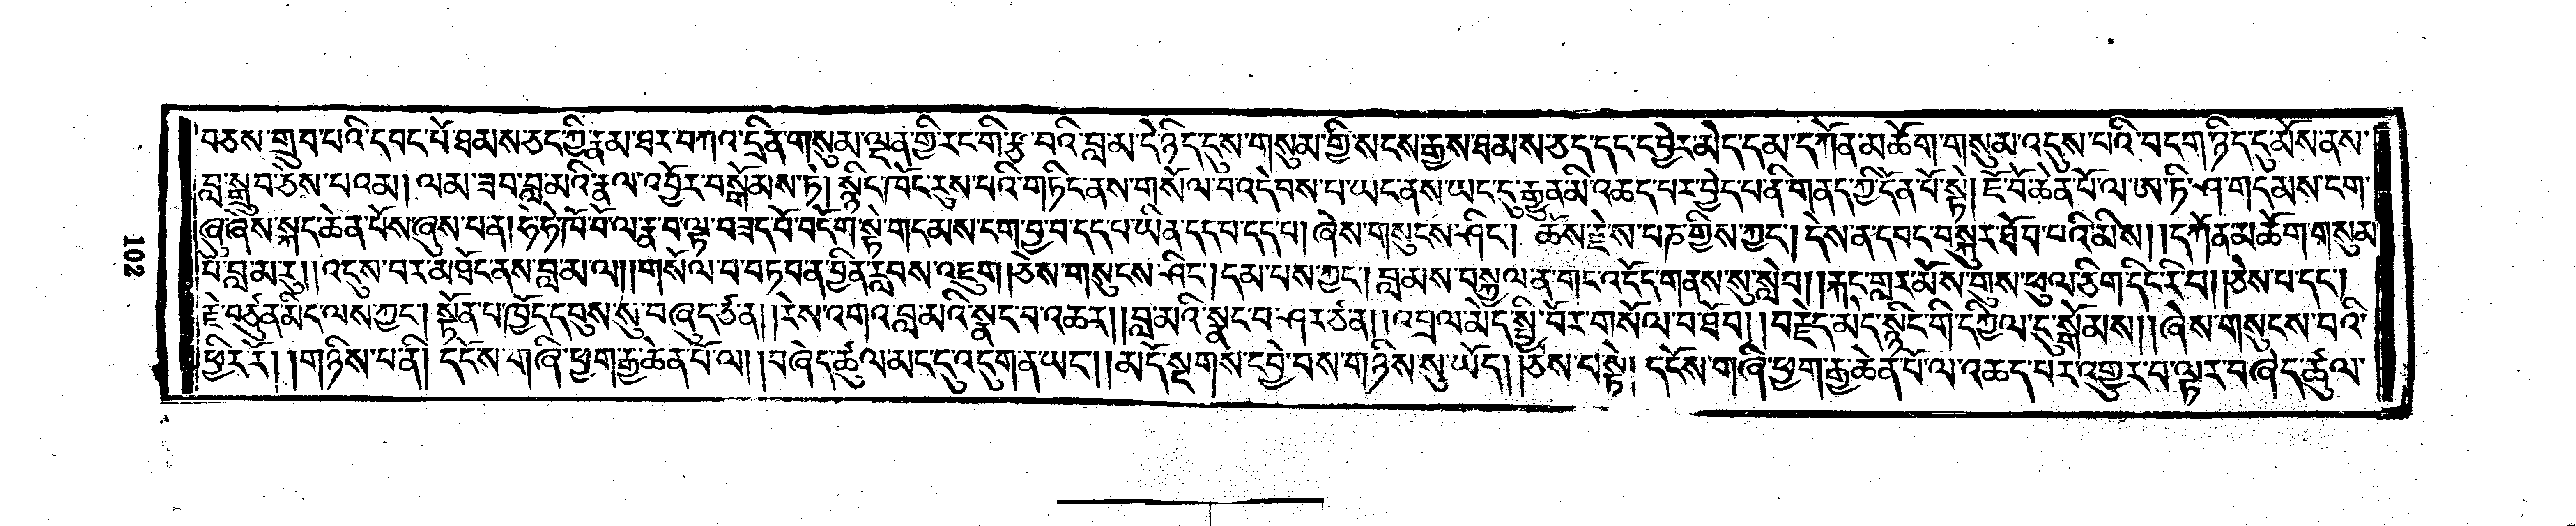བཅས་གྲུབ་པའི་དབང་པོ་ཐམས་ཅད་ཀྱི་རྣམ་ཐར་བཀའ་དྲིན་གསུམ་ལྡན་གྱི་རང་གི་རྩ་བའི་བླ་མ་དེ་ཉིད་དུས་གསུམ་གྱི་སངས་རྒྱས་ཐམས་ཅད་དང་དབྱེར་མེད་དམ་དཀོན་མཆོག་གསུམ་འདུས་པའི་བདག་ཉིད་དུ་མོས་ནས་
བླ་སྒྲུབ་ཅེས་པའམ། ལམ་ཟབ་བླ་མའི་རྣལ་འབྱོར་བསྒོམས་ཏེ། སྙིང་ཁོང་རུས་པའི་གཏིང་ནས་གསོལ་བ་འདེབས་པ་ཡང་ནས་ཡང་དུ་རྒྱུན་མི་འཆད་པར་བྱེད་པ་ནི་གནད་ཀྱི་དོན་པོ་སྟེ། ཇོ་བོ་ཆེན་པོ་ལ་ཨ་ཏི་ཤ་གདམས་ངག་
ཞུ་ཞེས་སྐད་ཆེན་པོས་ཞུས་པ་ན། ཧེ་ཧེ་ཁོ་བོ་ལ་རྣ་བ་ལྟ་བཟད་པོ་བདོག་སྟེ་གདམས་ངག་བྱ་བ་དད་པ་ཡིན་དད་པ་དད་པ། ཞེས་གསུངས་ཤིང་། ཆོས་རྗེ་ས་པཎ་གྱིས་ཀྱང་། དེས་ན་དབང་བསྐུར་ཐོབ་པའི་མིས། །དཀོན་མཆོག་གསུམ་
པོ་བླ་མ་རུ། །འདུས་པར་མཐོང་ནས་བླ་མ་ལ། །གསོལ་བ་བཏབ་ན་བྱིན་རླབས་འཇུག །ཅེས་གསུངས་ཤིང་། དམ་པས་ཀྱང་། བླ་མས་བསྐྱལ་ན་གང་འདོད་གནས་སུ་སླེབ། །རྐང་གླར་མོས་གུས་ཕུལ་ཅིག་དིང་རི་བ། །ཅེས་པ་དང་།
རྗེ་བཙུན་མིད་ལས་ཀྱང་། སྟོན་པ་ཁྱོད་དབུས་སུ་བཞུང་ཙ་ན། །རེས་འགའ་བླ་མའི་སྣང་བ་འཆར། །བླ་མའི་སྣང་བ་ཤར་ཙ་ན། །འབྲལ་མེད་སྤྱི་བོར་གསོལ་བ་ཐོབ། །བརྗེད་མེད་སྙིང་གི་དཀྱིལ་དུ་སྒོམས། །ཞེས་གསུངས་པའི་
ཕྱིར་རོ། །གཉིས་པ་ནི། དངོས་གཞི་ཕྱག་རྒྱ་ཆེན་པོ་ལ། །བཞེད་ཚུལ་མང་དུ་འདུག་ན་ཡང་། །མདོ་སྔགས་དབྱེ་བས་གཉིས་སུ་ཡོད། །ཅེས་པ་སྟེ། དངོས་གཞི་ཕྱག་རྒྱ་ཆེན་པོ་ལ་འཆད་པར་འགྱུར་བ་ལྟར་བཞེད་ཚུལ་